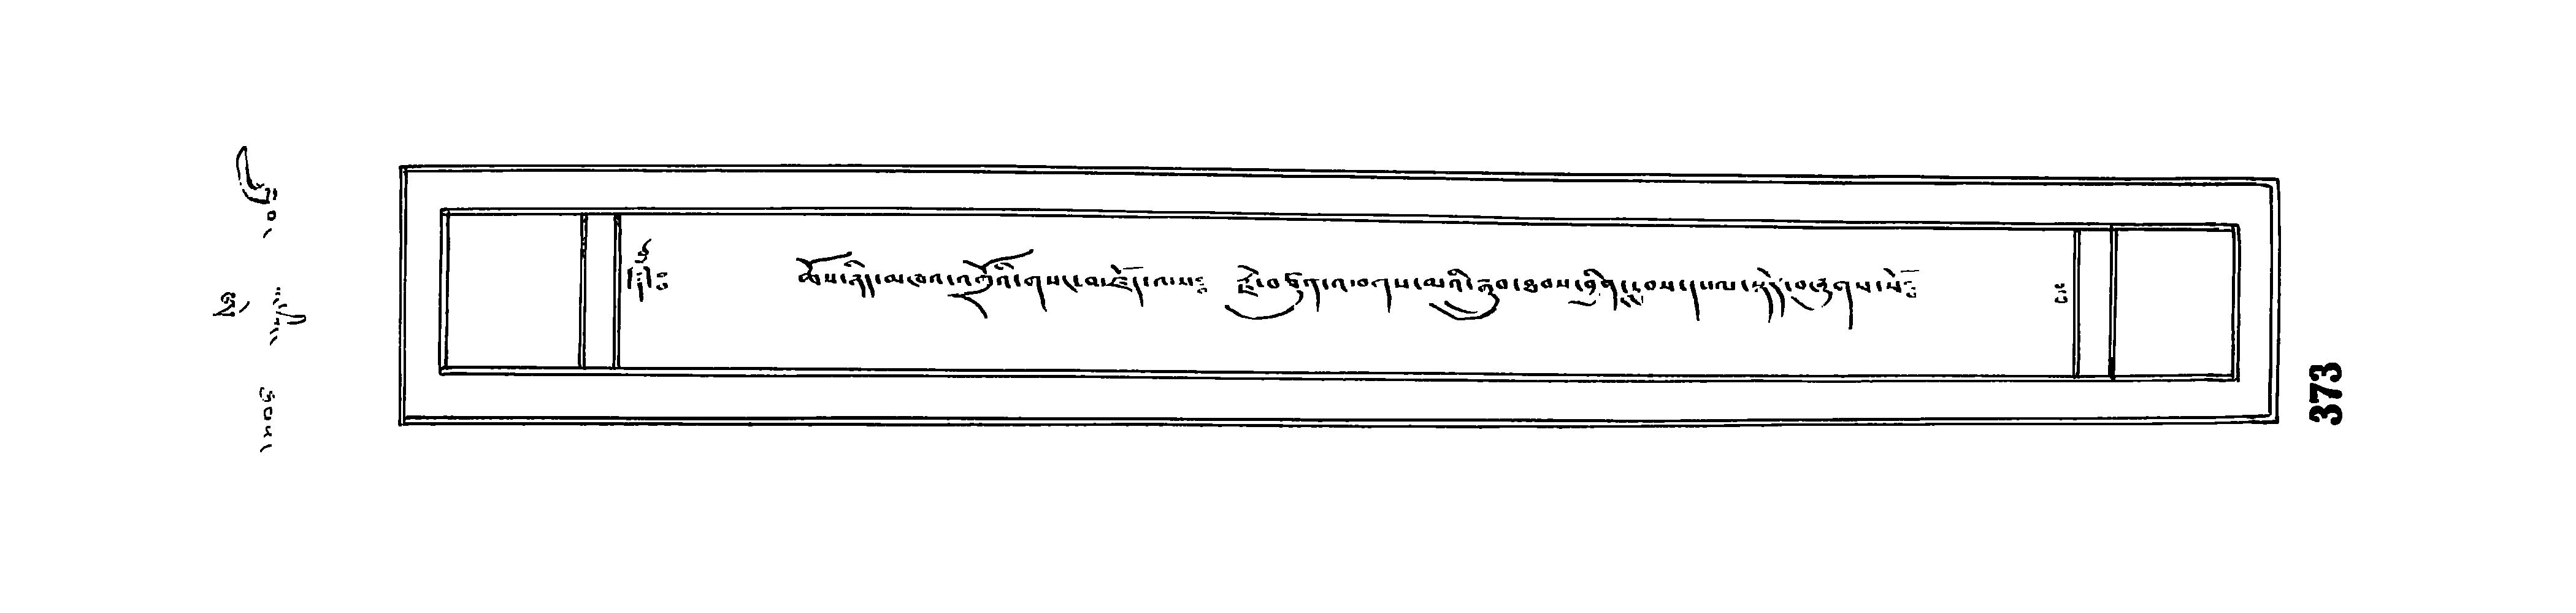ཆོས་ཉིད་མཁའ་འགྲོའི་གསང་མཛོད་ལས༔ རྗེ་བཙུན་འཕགས་མའི་སྒྲུབ་ཐབས་བྱིན་རླབས་དཔལ་སྟེར་བཞུགས་སོ༔